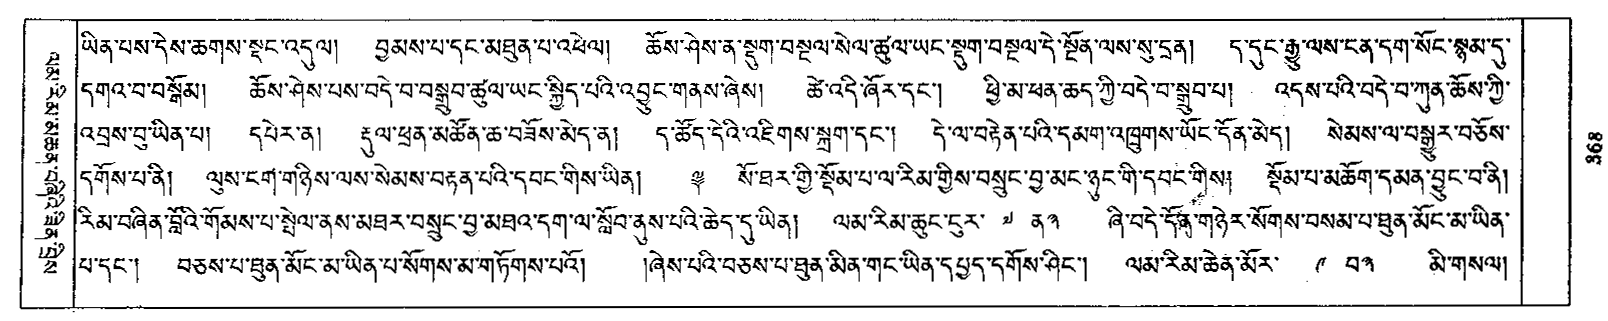ཡིན་པས་དེས་ཆགས་སྡང་འདུལ། བྱམས་པ་དང་མཐུན་པ་འཕེལ། ཆོས་ཤེས་ན་སྡུག་བསྔལ་སེལ་ཚུལ་ཡང་སྡུག་བསྔལ་དེ་སྔོན་ལས་སུ་དྲན། ད་དུང་རྒྱུ་ལས་ངན་དག་སོང་སྙམ་དུ་
དགའ་བ་བསྒོམ། ཆོས་ཤེས་པས་བདེ་བ་བསྒྲུབ་ཚུལ་ཡང་སྐྱིད་པའི་འབྱུང་གནས་ཞེས། ཚེ་འདི་ཞོར་དང་། ཕྱི་མ་ཕན་ཆད་ཀྱི་བདེ་བ་སྒྲུབ་པ། འདས་པའི་བདེ་བ་ཀུན་ཆོས་ཀྱི་
འབྲས་བུ་ཡིན་པ། དཔེར་ན། རྡུལ་ཕྲན་མཚོན་ཆ་བཟོས་མེད་ན། ད་ཚོད་དེའི་འཇིགས་སྐྲག་དང་། དེ་ལ་བརྟེན་པའི་དམག་འཁྲུགས་ཡོང་དོན་མེད། སེམས་ལ་བསྒྱུར་བཅོས་
དགོས་པ་ནི། ལུས་ངག་གཉིས་ལས་སེམས་བརྟན་པའི་དབང་གིས་ཡིན། ༈ སོ་ཐར་གྱི་སྡོམ་པ་ལ་རིམ་གྱིས་བསྲུང་བྱ་མང་ཉུང་གི་དབང་གིས། སྡོམ་པ་མཆོག་དམན་བྱུང་བ་ནི།
རིམ་བཞིན་བློའི་གོམས་པ་སྤེལ་ནས་མཐར་བསྲུང་བྱ་མཐའ་དག་ལ་སློབ་ནུས་པའི་ཆེད་དུ་ཡིན། ལམ་རིམ་ཆུང་ངུར ༧་ན ༣་ཞི་བདེ་དོན་གཉེར་སོགས་བསམ་པ་ཐུན་མོང་མ་ཡིན་
པ་དང་། བཅས་པ་ཐུན་མོང་མ་ཡིན་པ་སོགས་མ་གཏོགས་པའོ། །ཞེས་པའི་བཅས་པ་ཐུན་མིན་གང་ཡིན་དཔྱད་དགོས་ཤིང་། ལམ་རིམ་ཆེན་མོར ༩་བ ༣་མི་གསལ།